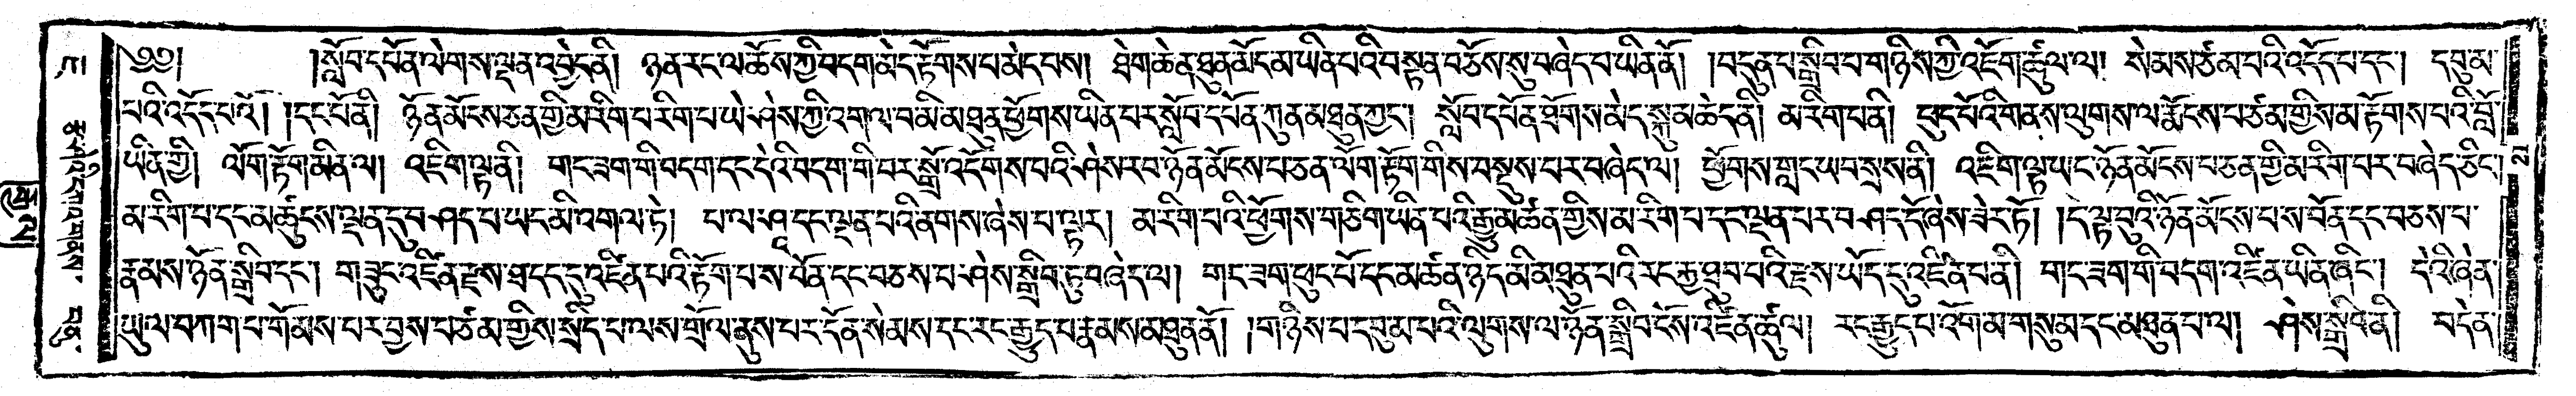༄༅། །སློབ་དཔོན་ལེགས་ལྡན་འབྱེད་ནི། ཉན་རང་ལ་ཆོས་ཀྱི་བདག་མེད་རྟོགས་པ་མེད་པས། ཐེག་ཆེན་ཐུན་མོང་མ་ཡིན་པའི་བསྟན་བཅོས་སུ་བཞེད་པ་ཡིན་ནོ། །བདུན་པ་སྒྲིབ་པ་གཉིས་ཀྱི་འཇོག་ཚུལ་ལ། སེམས་ཙམ་པའི་འདོད་པ་དང་། དབུ་མ་
པའི་འདོད་པའོ། །དང་པོ་ནི། ཉོན་མོངས་ཅན་གྱི་མ་རིག་པ་རིག་པ་ཡེ་ཤེས་ཀྱི་འགལ་བ་མི་མཐུན་ཕྱོགས་ཡིན་པར་སློབ་དཔོན་ཀུན་མཐུན་ཀྱང་། སློབ་དཔོན་ཐོགས་མེད་སྐུ་མཆེད་ནི། མ་རིག་པ་ནི། ཕུང་པོའི་གནས་ལུགས་ལ་རྨོངས་པ་ཙམ་གྱིས་མ་རྟོགས་པའི་བློ་
ཡིན་གྱི། ལོག་རྟོག་མིན་ལ། འཇིག་ལྟ་ནི། གང་ཟག་གི་བདག་དང་དེའི་བདག་གི་བར་སྒྲོ་འདོགས་པའི་ཤེས་རབ་ཉོན་མོངས་པ་ཅན་ལོག་རྟོག་གིས་བསྡུས་པར་བཞེད་ལ། ཕྱོགས་གླང་ཡབ་སྲས་ནི། འཇིག་ལྟ་ཡང་ཉོན་མོངས་པ་ཅན་གྱི་མ་རིག་པར་བཞེད་ཅིང་
མ་རིག་པ་དང་མཚུངས་ལྡན་དུ་བཤད་པ་ཡང་མི་འགལ་ཏེ། པ་ལ་ཤཱ་དང་ལྡན་པའི་ནགས་ཞེས་པ་ལྟར། མ་རིག་པའི་ཕྱོགས་གཅིག་ཡིན་པའི་རྒྱུ་མཚན་གྱིས་མ་རིག་པ་དང་ལྡན་པར་བཤད་དོ་ཞེས་ཟེར་ཏོ། །དེ་ལྟ་བུའི་ཉོན་མོངས་པ་ས་བོན་དང་བཅས་པ་
རྣམས་ཉོན་སྒྲིབ་དང་། གཟུང་འཛིན་རྫས་ཐ་དད་དུ་འཛིན་པའི་རྟོག་པ་ས་བོན་དང་བཅས་པ་ཤེས་སྒྲིབ་ཏུ་བཞེད་ལ། གང་ཟག་ཕུང་པོ་དང་མཚན་ཉིད་མི་མཐུན་པའི་རང་རྐྱ་ཐུབ་པའི་རྫས་ཡོད་དུ་འཛིན་པ་ནི། གང་ཟག་གི་བདག་འཛིན་ཡིན་ཞིང་། དེའི་ཞེ་ན་
ཡུལ་བཀག་པ་གོམས་པར་བྱས་པ་ཙམ་གྱིས་སྲིད་པ་ལས་གྲོལ་ནུས་པར་དོན་སེམས་དང་རང་རྒྱུད་པ་རྣམས་མཐུན་ནོ། །གཉིས་པ་དབུ་མ་པའི་ལུགས་ལ་ཉོན་སྒྲིབ་ངོས་འཛིན་ཚུལ། རང་རྒྱུད་པ་འོག་མ་གསུམ་དང་མཐུན་པ་ལ། ཤེས་སྒྲིབ་ནི། བདེན་